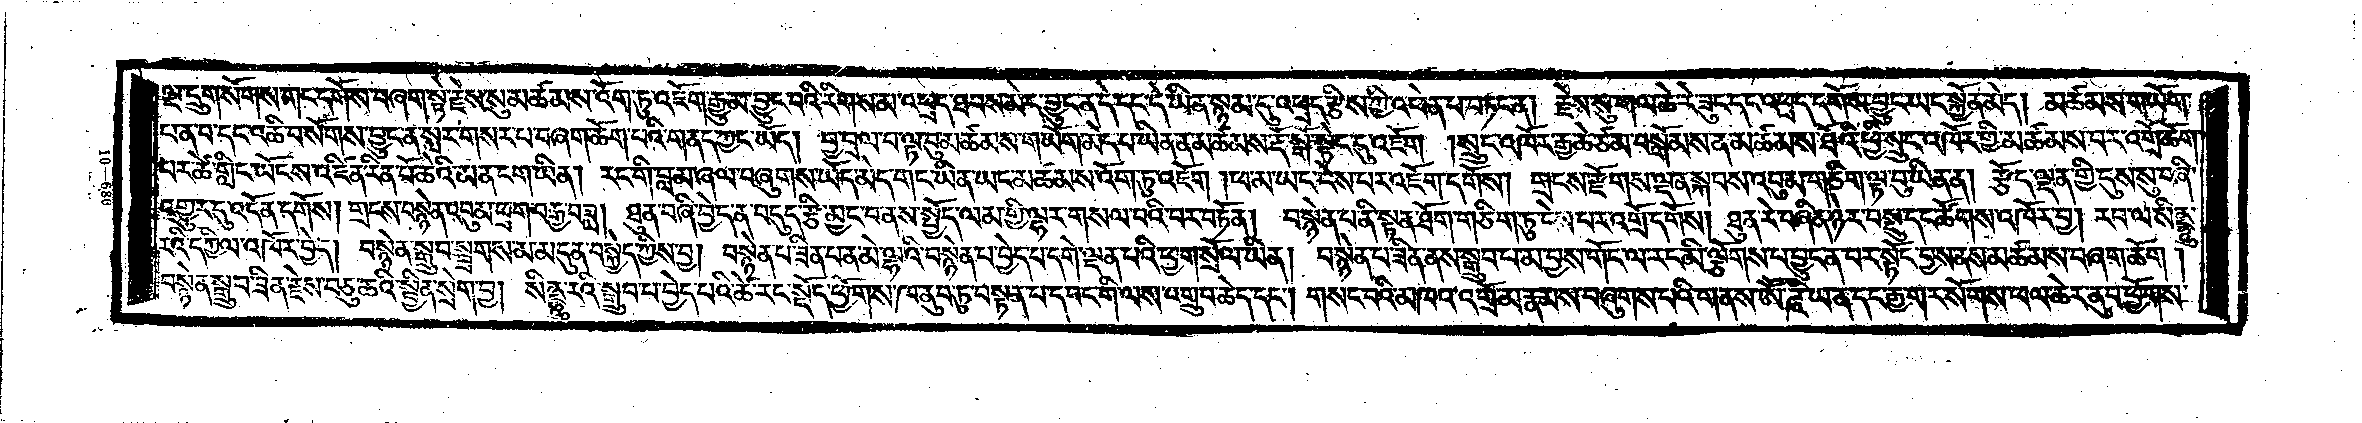ལྔ་དྲུག་སོགས་གང་དགོས་བཞག་སྟེ་རྗེས་སུ་མཚམས་འོག་ཏུ་འཇོག་རྒྱུ་མ་བྱུང་བའི་རིགས་མ་འཕྲད་ཐབས་མེད་བྱུང་ན་དེ་དང་དེ་ཡིན་སྙམ་དུ་འཕྲད་རྩིས་ཀྱི་འཕེན་པ་བཏང་ན། རྗེས་སུ་གལ་ཆེ་རེ་ཟུང་དང་འཕྲད་དགོས་བྱུང་ཡང་སྐྱོན་མེད། མཚམས་གཡོག་
པ་ན་བ་དང་འཆི་བ་སོགས་བྱུང་ན་སླར་གསར་བ་བཞག་ཆོག་པའི་གནད་ཀྱང་ཡོད། བྱ་བྲལ་བ་ལྟ་བུ་མཚམས་གཡོག་མེད་པ་ཡིན་ན་མཚམས་རྡོ་སྒོ་སྟེང་དུ་འཇོག །སྲུང་འཁོར་རྒྱ་ཆེ་ཙམ་བསྒོམས་ན་མཚམས་ཐོའི་ཕྱི་སྲུང་འཁོར་གྱི་མཚམས་བར་འགོ་ཆོག་
པར་ཚེ་གླིང་ཡོངས་འཛིན་རིན་པོ་ཆེའི་མན་ངག་ཡིན། རང་གི་བླ་མ་ཞལ་བཞུགས་ཡོད་མེད་གང་ཡིན་ཡང་མཚམས་འོག་ཏུ་འཇོག །ཕ་མ་ཡང་ངེས་པར་འཇོག་དགོས། གྲངས་རྫོགས་ལྡན་སྐབས་འབུམ་གཅིག་ལྟ་བུ་ཡིན་ན། རྩོད་ལྡན་གྱི་དུས་སུ་བཞི་
འགྱུར་དུ་འདོན་དགོས། གྲངས་བསྙེན་འབུམ་ཕྲག་བརྒྱ་བཟླ། ཐུན་བཞི་བྱེད་ན་བདུད་རྩི་མྱང་བ་ནས་སྤྱོད་ལམ་གྱི་ལྷར་གསལ་བའི་བར་བཏོན། བསྙེན་པ་ནི་སྟན་ཐོག་གཅིག་ཏུ་ངེས་པར་འགྲོ་དགོས། ཐུན་རེ་བཞིན་ཉེར་བསྡུ་དང་ཚོགས་འཁོར་བྱ། རབ་ལ་སིནྡྷཱུ་
རའི་དཀྱིལ་འཁོར་བྱེད། བསྙེན་སྒྲུབ་སྦྲགས་མ་མདུན་བསྐྱེད་ཀྱིས་བྱ། བསྙེན་པ་ཟིན་བ་ན་མེ་ལྷའི་བསྙེན་པ་བྱེད་པ་དགེ་ལྡན་པའི་ཕྱག་སྲོལ་ཡིན། བསྙེན་པ་ཟིན་ནས་སྒྲུབ་པ་མ་བྱས་གོང་ལ་རང་མི་ལྕོགས་པ་བྱུང་ན་བར་སྟོང་བྱས་ནས་མཚམས་བཞག་ཆོག །
བསྙེན་སྒྲུབ་ཟིན་རྗེས་བཅུ་ཆའི་སྦྱིན་སྲེག་བྱ། སིནྡྷཱུ་རའི་སྒྲུབ་པ་བྱེད་པའི་ཚེ་རང་སྡོད་ཕྱོགས་ཁ་ནུབ་ཏུ་བསྟན་པ་དབང་གི་ལས་འགྲུབ་ཆེད་དང་། གསང་བའི་མཁའ་འགྲོ་མ་རྣམས་བཞུགས་པའི་གནས་ཨཽ་ཌཱི་ཡ་ན་དང་རྒྱ་གར་སོགས་ཕལ་ཆེར་ནུབ་ཕྱོགས་